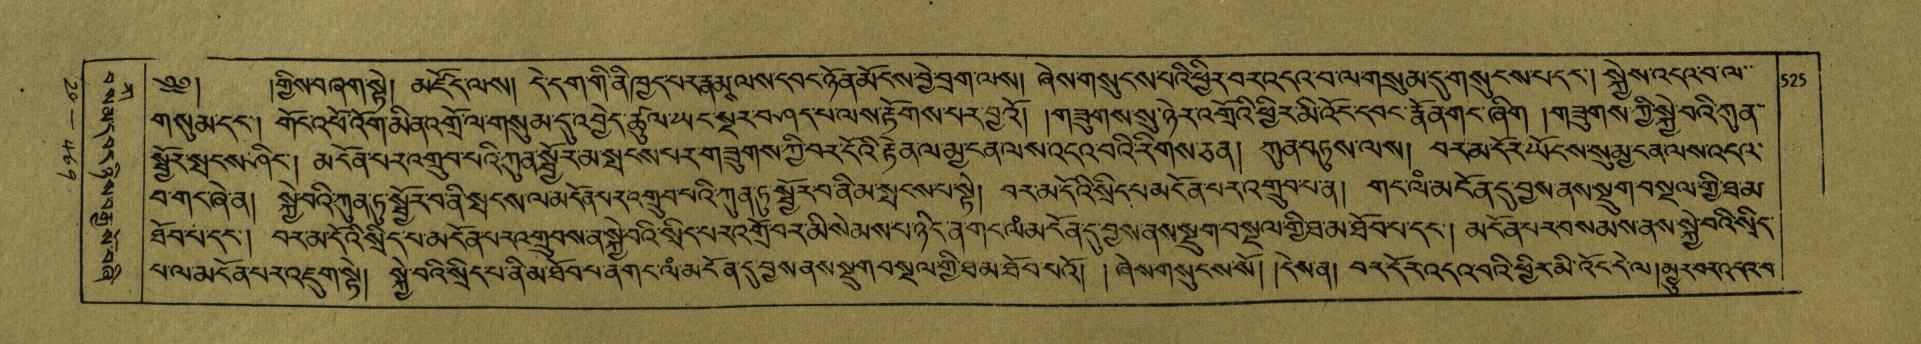༄༅། །གྱིས་བཞག་སྟེ། མཛོད་ལས། དེ་དག་གི་ནི་ཁྱད་པར་རྣམས་ལས་དབང་ཉོན་མོངས་བྱེ་བྲག་ལས། ཞེས་གསུངས་པའི་ཕྱིར་བར་འདའ་བ་ལ་གསུམ་དུ་གསུངས་པ་དང་། སྐྱེས་འདའ་བ་ལ་
གསུམ་དང་། གོང་འཕོ་འོག་མིན་འགྲོ་ལ་གསུམ་དུ་འབྱེད་ཚུལ་ཡང་སྔར་བཤད་པ་ལས་རྟོགས་པར་བྱའོ། །གཟུགས་སུ་ཉེར་འགྲོའི་ཕྱིར་མི་འོང་དབང་རྣོན་གང་ཞིག །གཟུགས་ཀྱི་སྐྱེ་བའི་ཀུན་
སྦྱོར་སྤངས་ཤིང་། མངོན་པར་འགྲུབ་པའི་ཀུན་སྦྱོར་མ་སྤངས་པར་གཟུགས་ཀྱི་བར་དོའི་རྟེན་ལ་མྱ་ངན་ལས་འདའ་བའི་རིགས་ཅན། ཀུན་བཏུས་ལས། བར་མ་དོར་ཡོངས་སུ་མྱ་ངན་ལས་འདའ་
བ་གང་ཞེ་ན། སྐྱེ་བའི་ཀུན་ཏུ་སྦྱོར་བ་ནི་སྤངས་ལ་མངོན་པར་འགྲུབ་པའི་ཀུན་ཏུ་སྦྱོར་བ་ནི་མ་སྤངས་པ་སྟེ། བར་མ་དོའི་སྲིད་པ་མངོན་པར་འགྲུབ་པ་ན། གང་ལཾ་མངོན་དུ་བྱས་ནས་སྡུག་བསྔལ་གྱི་ཐ་མ་
ཐོབ་པ་དང་། བར་མ་དོའི་སྲིད་པ་མངོན་པར་འགྲུབས་ན་སྐྱེ་བའི་སྲིད་པར་འགྲོ་བར་མི་སེམས་པ་ཉིད་ན་གང་ལཾ་མངོན་དུ་བྱས་ནས་སྡུག་བསྔལ་གྱི་ཐ་མ་ཐོབ་པ་དང་། མངོན་པར་བསམས་ནས་སྐྱེ་བའི་སྲིད་
པ་ལ་མངོན་པར་འཇུག་སྟེ། སྐྱེ་བའི་སྲིད་པ་ནི་མ་ཐོབ་པ་ན་གང་ལཾ་མངོན་དུ་བྱས་ནས་སྡུག་བསྔལ་གྱི་ཐ་མ་ཐོབ་པའོ། །ཞེས་གསུངས་སོ། །དེས་ན། བར་དོར་འདའ་བའི་ཕྱིར་མི་འོང་དེ་ལ། མྱུར་བར་འདའ་བ་